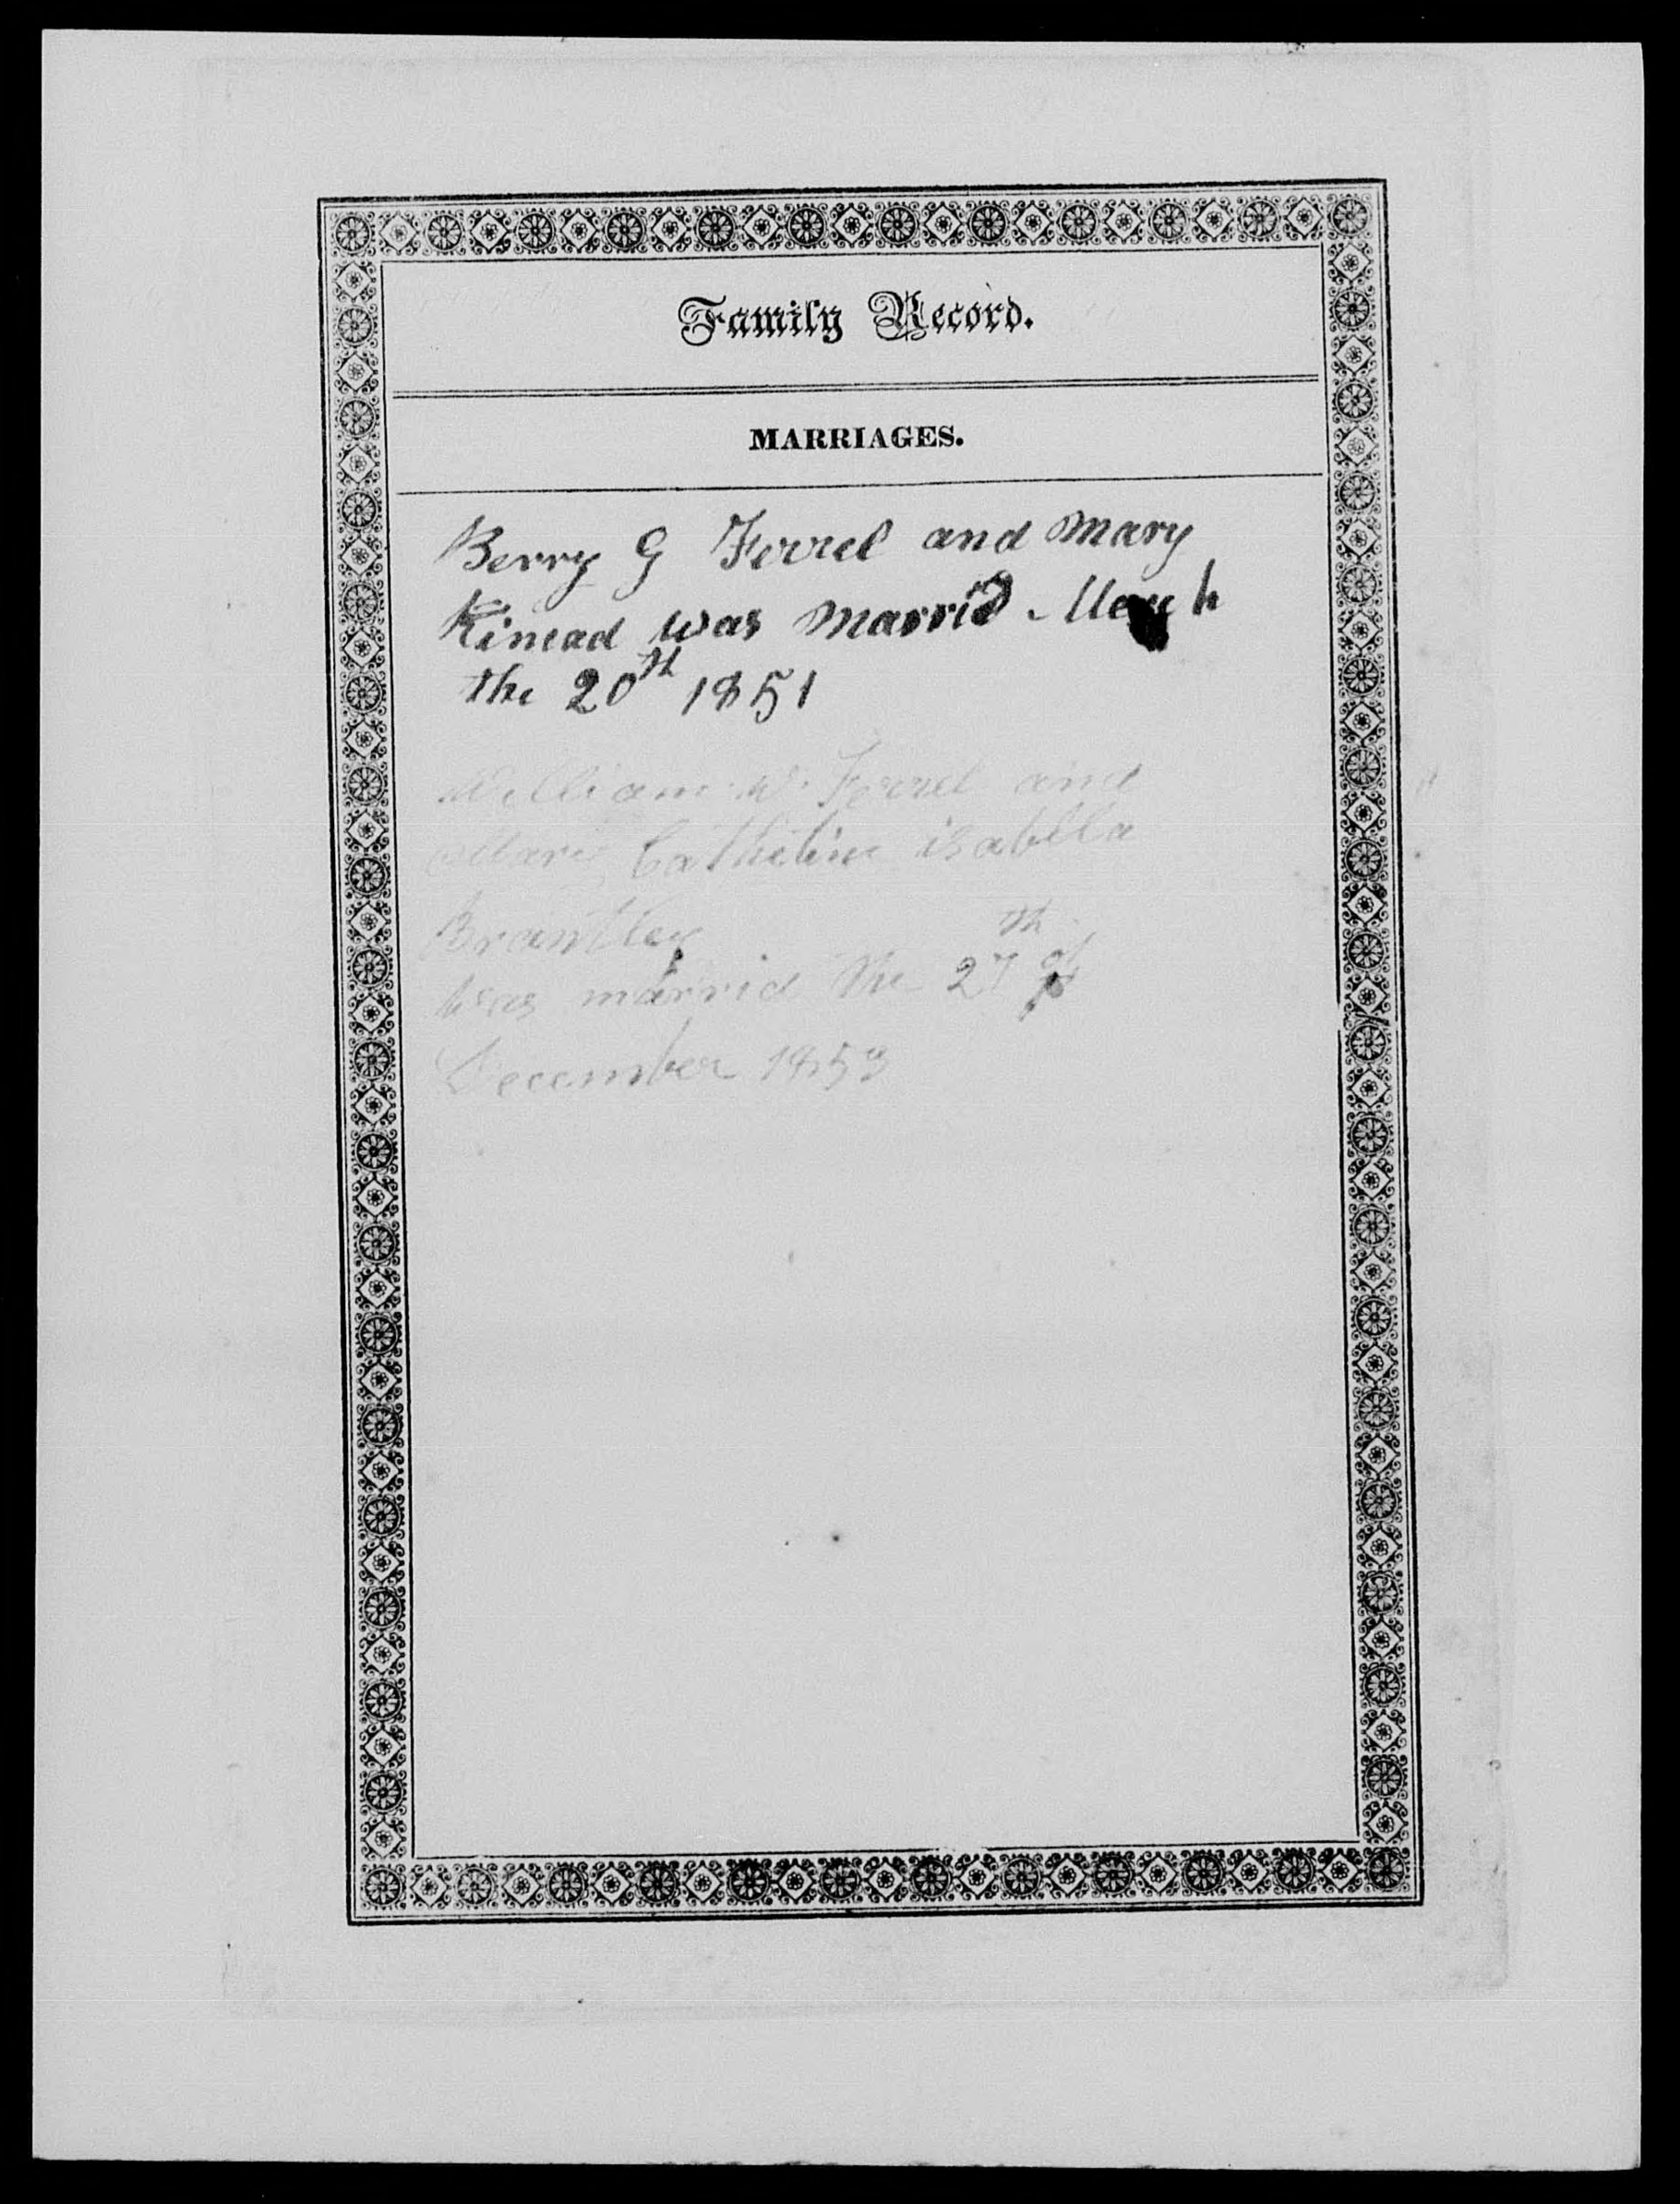Family Record.

Marriages. 

Berry g Ferrel and Mary Rincad was marrid March the 20th 1851
William W Ferrel and Mary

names: Mary Kincad, Berry G Ferrel, William W Ferrel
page: 3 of 52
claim: rejected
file: R. 3,512, John Ferrell, N.C.